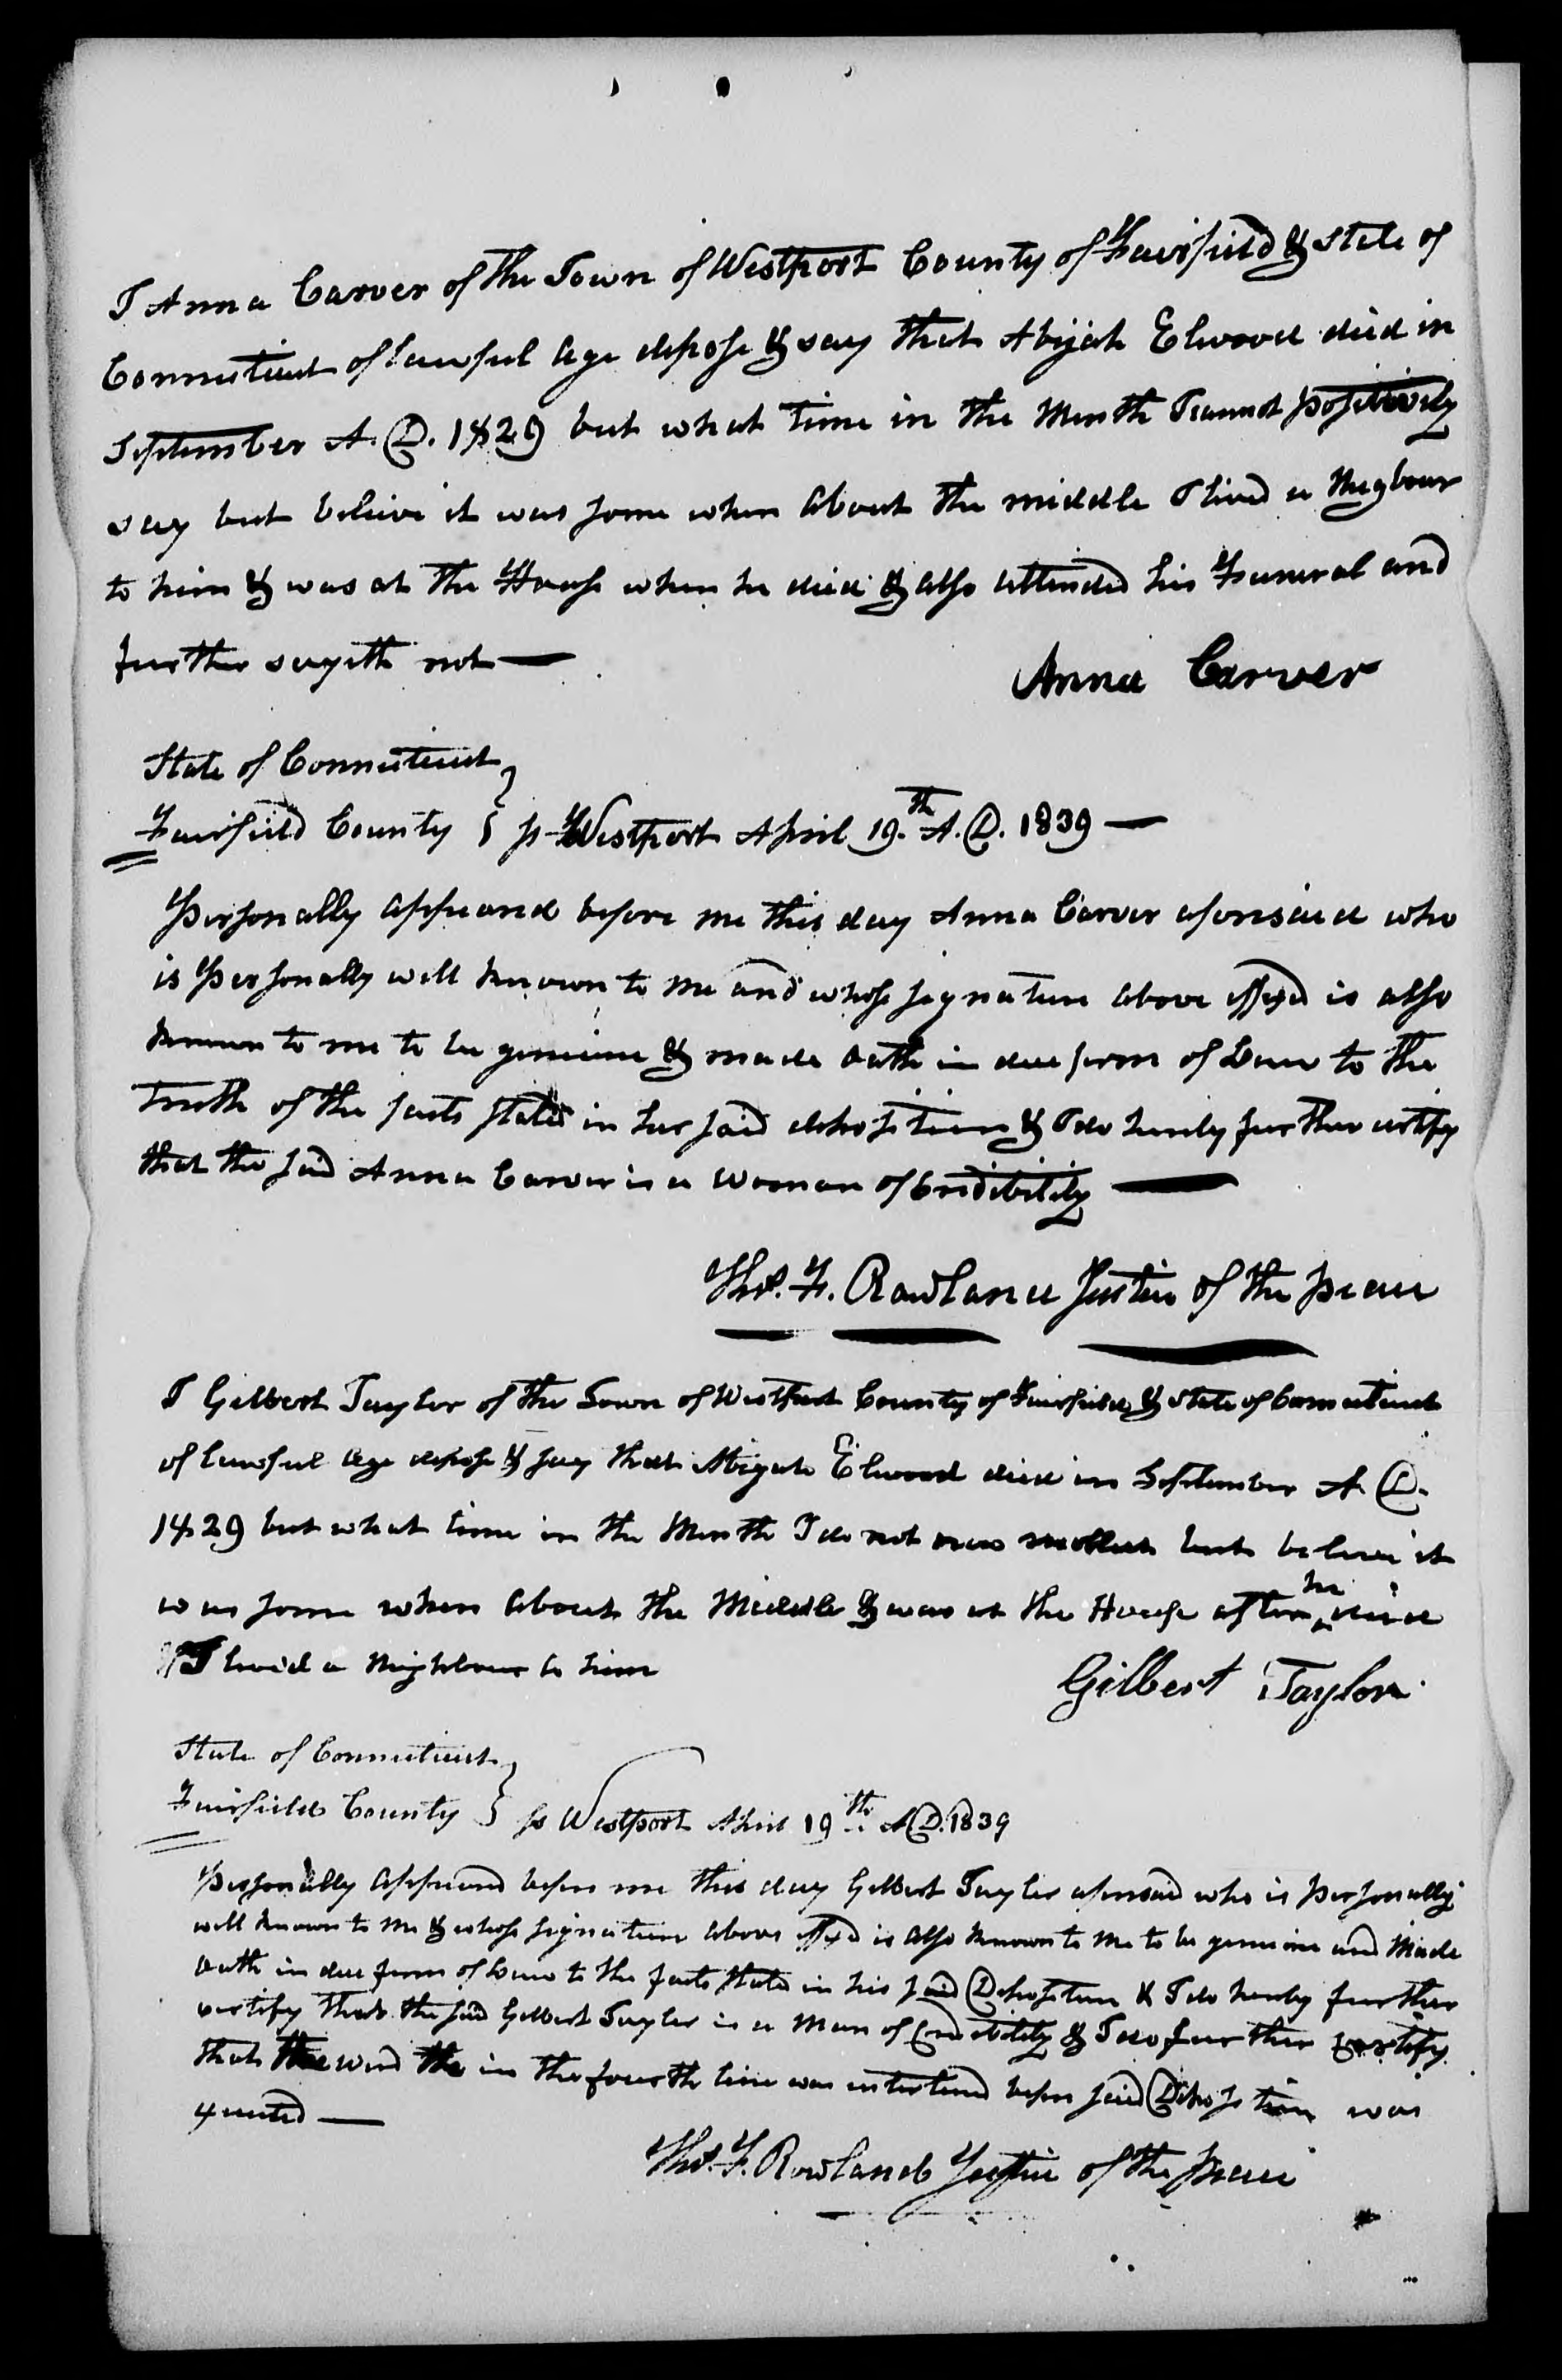I, Anna Carver of the Town of Westport, County of Fairfield and State of Connecticut, of lawful age, depose and say that Abijah Elwood died in September A.D. 1829 but what time in the month I cannot positively say, but believe it was somewhere about the middle. I lived as neighbor to him, and was at the house when he died and also attended his funeral, and further sayeth not.
Anna Carver

State of Connecticut
Fairfield County ⎬ ss Westport April 19th A.D. 1839
Personally appeared before me this day Anna Carver, aforesaid, who is personally well known to me and whose signature above affixed is also known to me to be genuine, and made oath in due form of Law to the truth of the facts stated in her said deposition, and I do hereby further certify that the said Anna Carver is a woman of credibility.
Thos. F. Rowland Justice of the peace

I, Gilbert Taylor, of the Town of Westport, County of Fairfield and State of Connecticut, of lawful age, depose and say that Abijah Elwood died in September A.D. 1829, but what time in the month I do not now recollect, but believe it was somewhere about the middle, and was in the house after he died, as I lived a neighbor to him.
Gilbert Taylor

State of Connecticut
Fairfield County ⎬ ss Westport April 19th A.D. 1839
-
Personally appeared before me this day Gilbert Taylor, aforesaid, who is personally well known to me to and whose signature above affixed is also known to me to be genuine, and made oath in due form of Law to the facts stated in his said deposition, and I do further certify that the said Gilbert Taylor is a man of credibility, and I further certify that the word "the" in the fourth time was interlined before said deposition was requested [unclear}.
Thos F. Rowland, Justice of the Peace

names: Anna Carver, Abijah Elwood, Gilbert Taylor, Gilbert Taylor, Anna Carver, Thos F Rowland, Anna Carver, Anna Carver, Gilbert Taylor, Thos F Rowland, Abijah Elwood, Gilbert Taylor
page: 66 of 69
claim: widow's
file: W. 25562, Abijah Elwood, Conn.